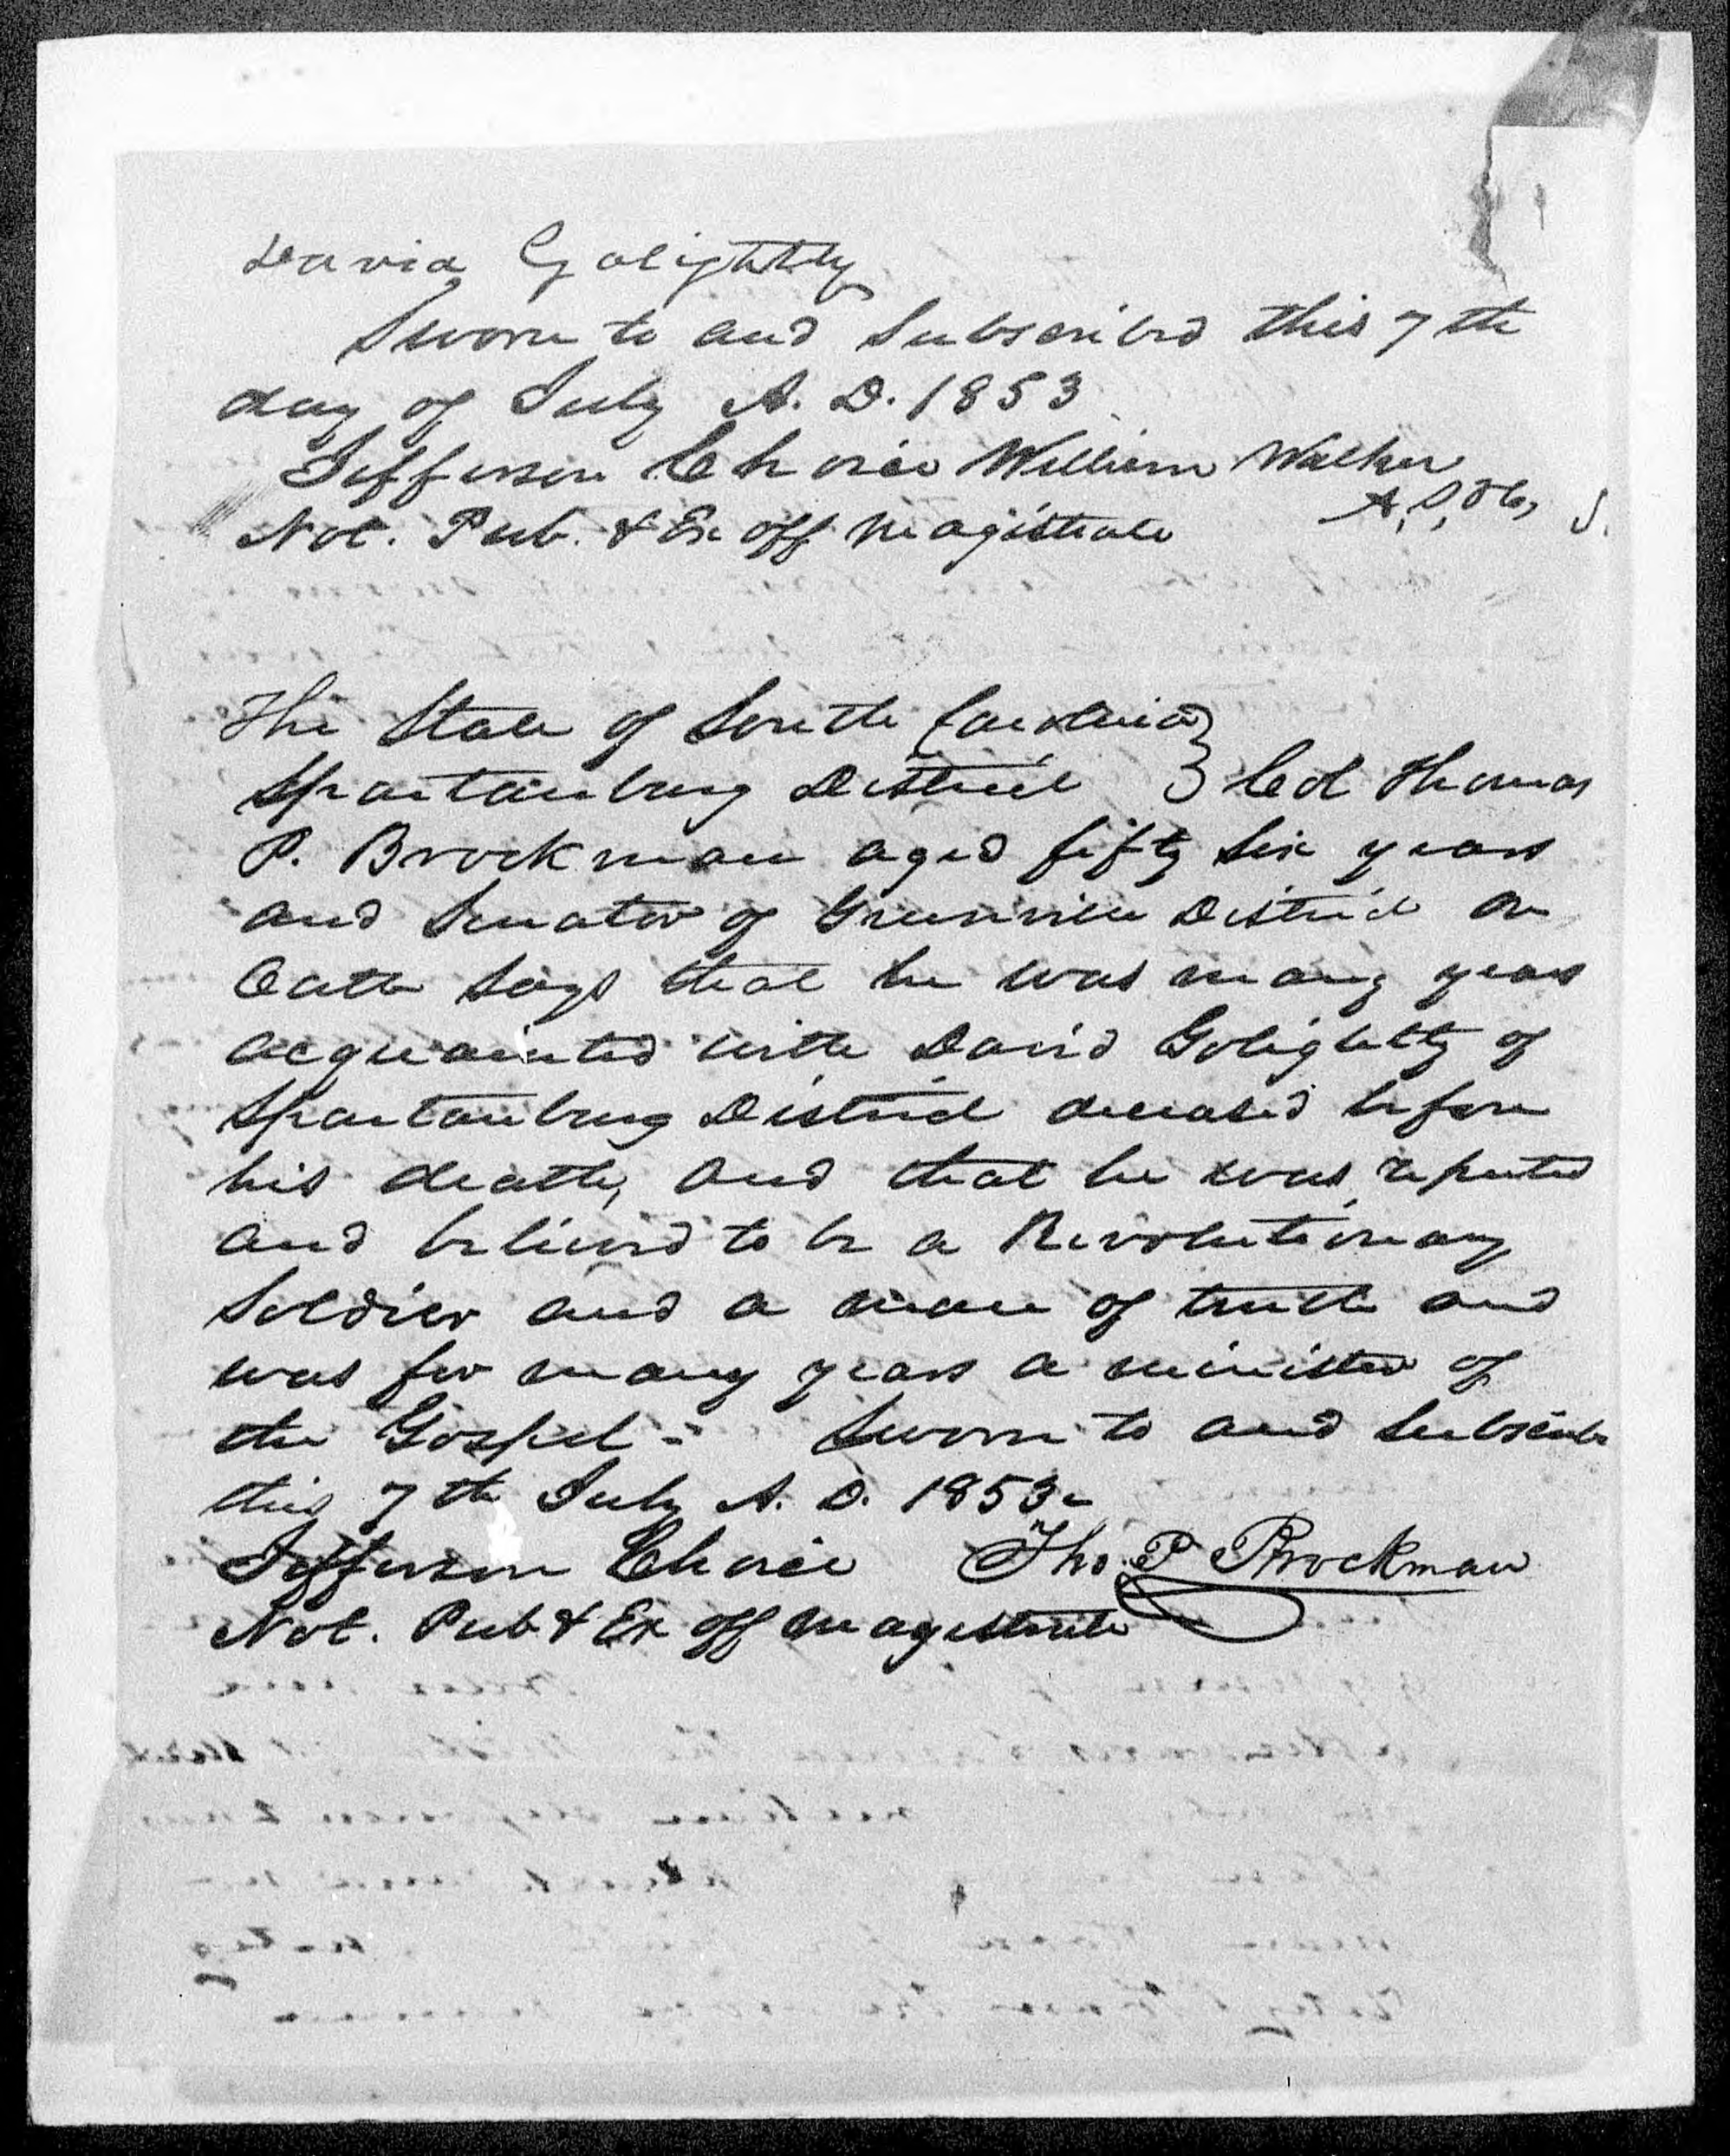page 2

David Golightly.
   Sworn to and subscribed this 7th day of July A.D. 1853.
   Jefferson Choice, William Walker
   Not. Pub. & Ex Off Magistrate

The State of Carolina
Spartanburg District

   Col Thomas P. Brockman aged fifty six years and Senator of Greenville District on oath saith that he was many years acquainted with said Golightly of Spartanburg District deceased before his death, and that he was reputed and believed to be a Revolutionary Soldier and a man of truth and was for many years a minister of the Gospel.  

   Sworn to and subscribed this 7th day A.D. 1853.
Tho. P Brockman

Jefferson Choice
Not. Pub. & Ex Off Magistrate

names: David Golightly, William Walker, Thomas P Brockman, Tho P Brockman, David Golightly, Jefferson Choice, Jefferson Choice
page: 54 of 57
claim: survivor's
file: S. 18888, David Golightly, S.C.